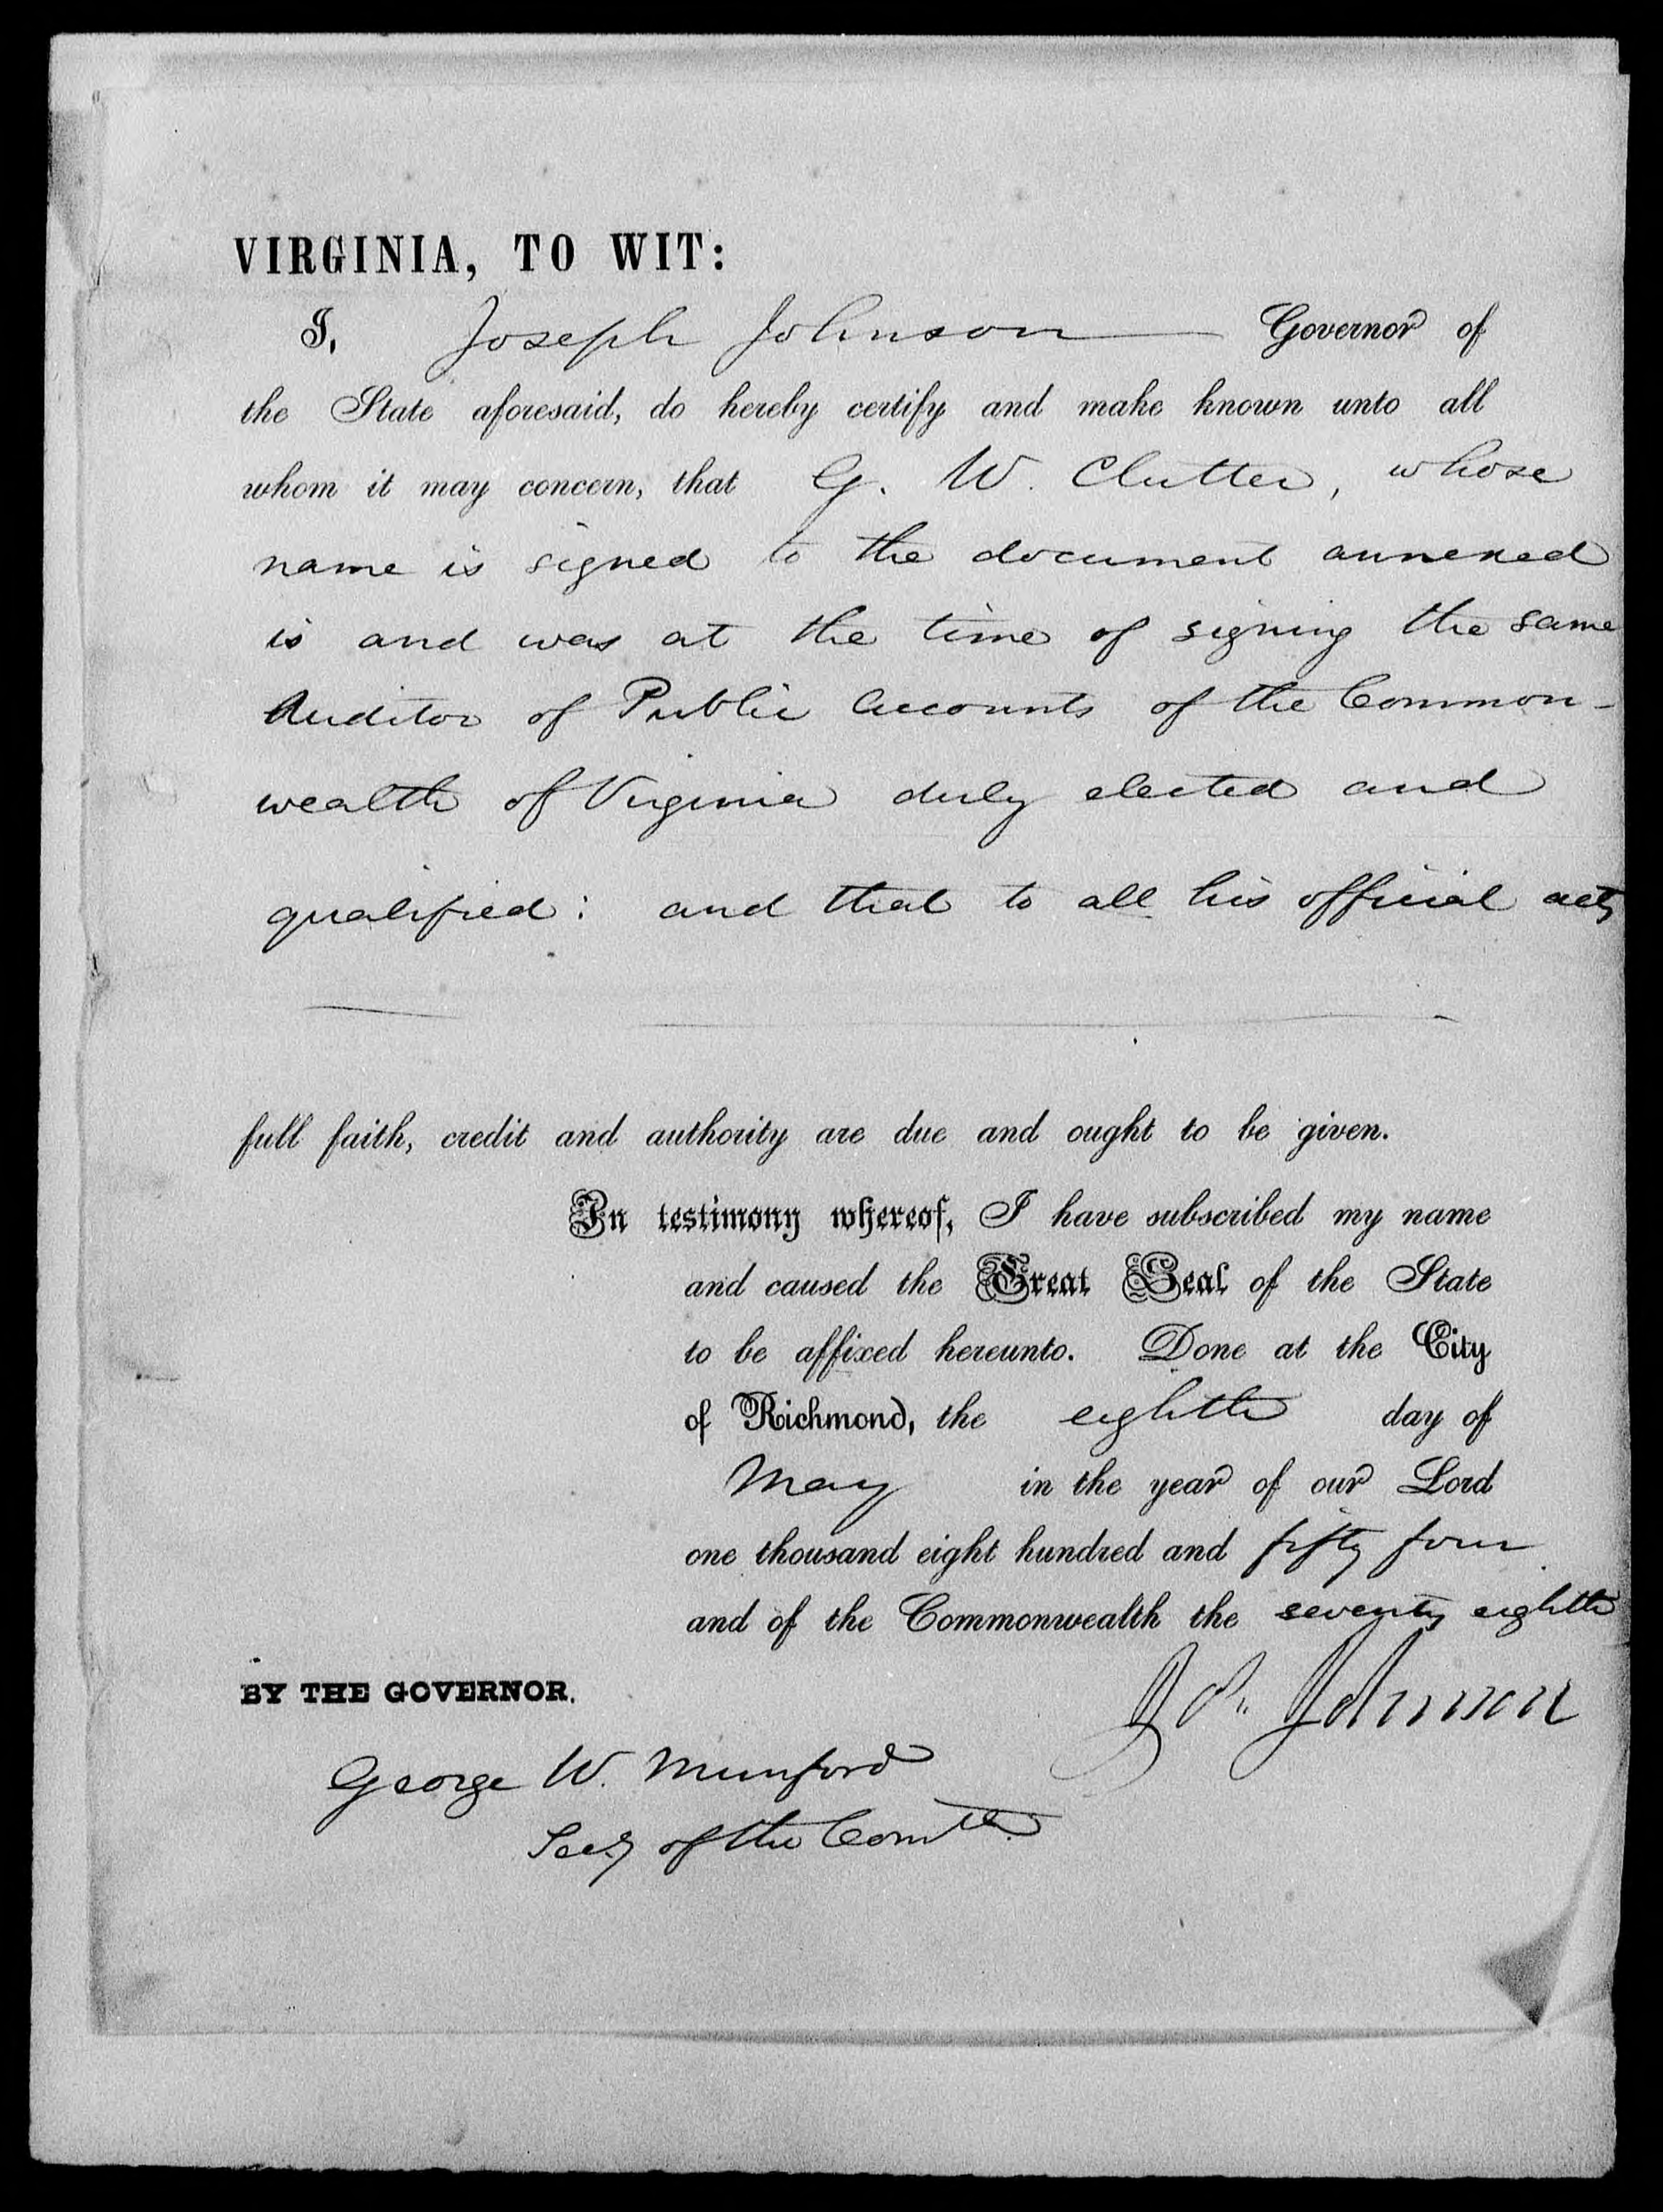VIRGINIA, TO WIT:
I, Joseph Johnson Governor of the State aforesaid, do hereby certify and make known unto all whom it may concern, that G. W. Clutter, whose name is signed to the document annexed is and was at the time of signing the same Auditor of Public accounts of the Commonwealth of Virginia duly elected and qualified: and that to all his official acts 
full faith, credit and authority are due and ought to be given.
In testimony whereof, I have subscribed my name and caused the Great Seal of the State to be affixed hereunto.  Done at the City of Richmond, the eighth day of May in the year of our Lord one thousand eight hundred and fifty four and of the Commonwealth the seventy eighth.

BY THE GOVERNOR   Jos. Johnson

George W. Munford
Secy of the Comth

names: G W Clutter, Joseph Johnson, Jos Johnson, George W Munford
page: 130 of 160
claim: rejected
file: R. 4666, James Harris, Va.